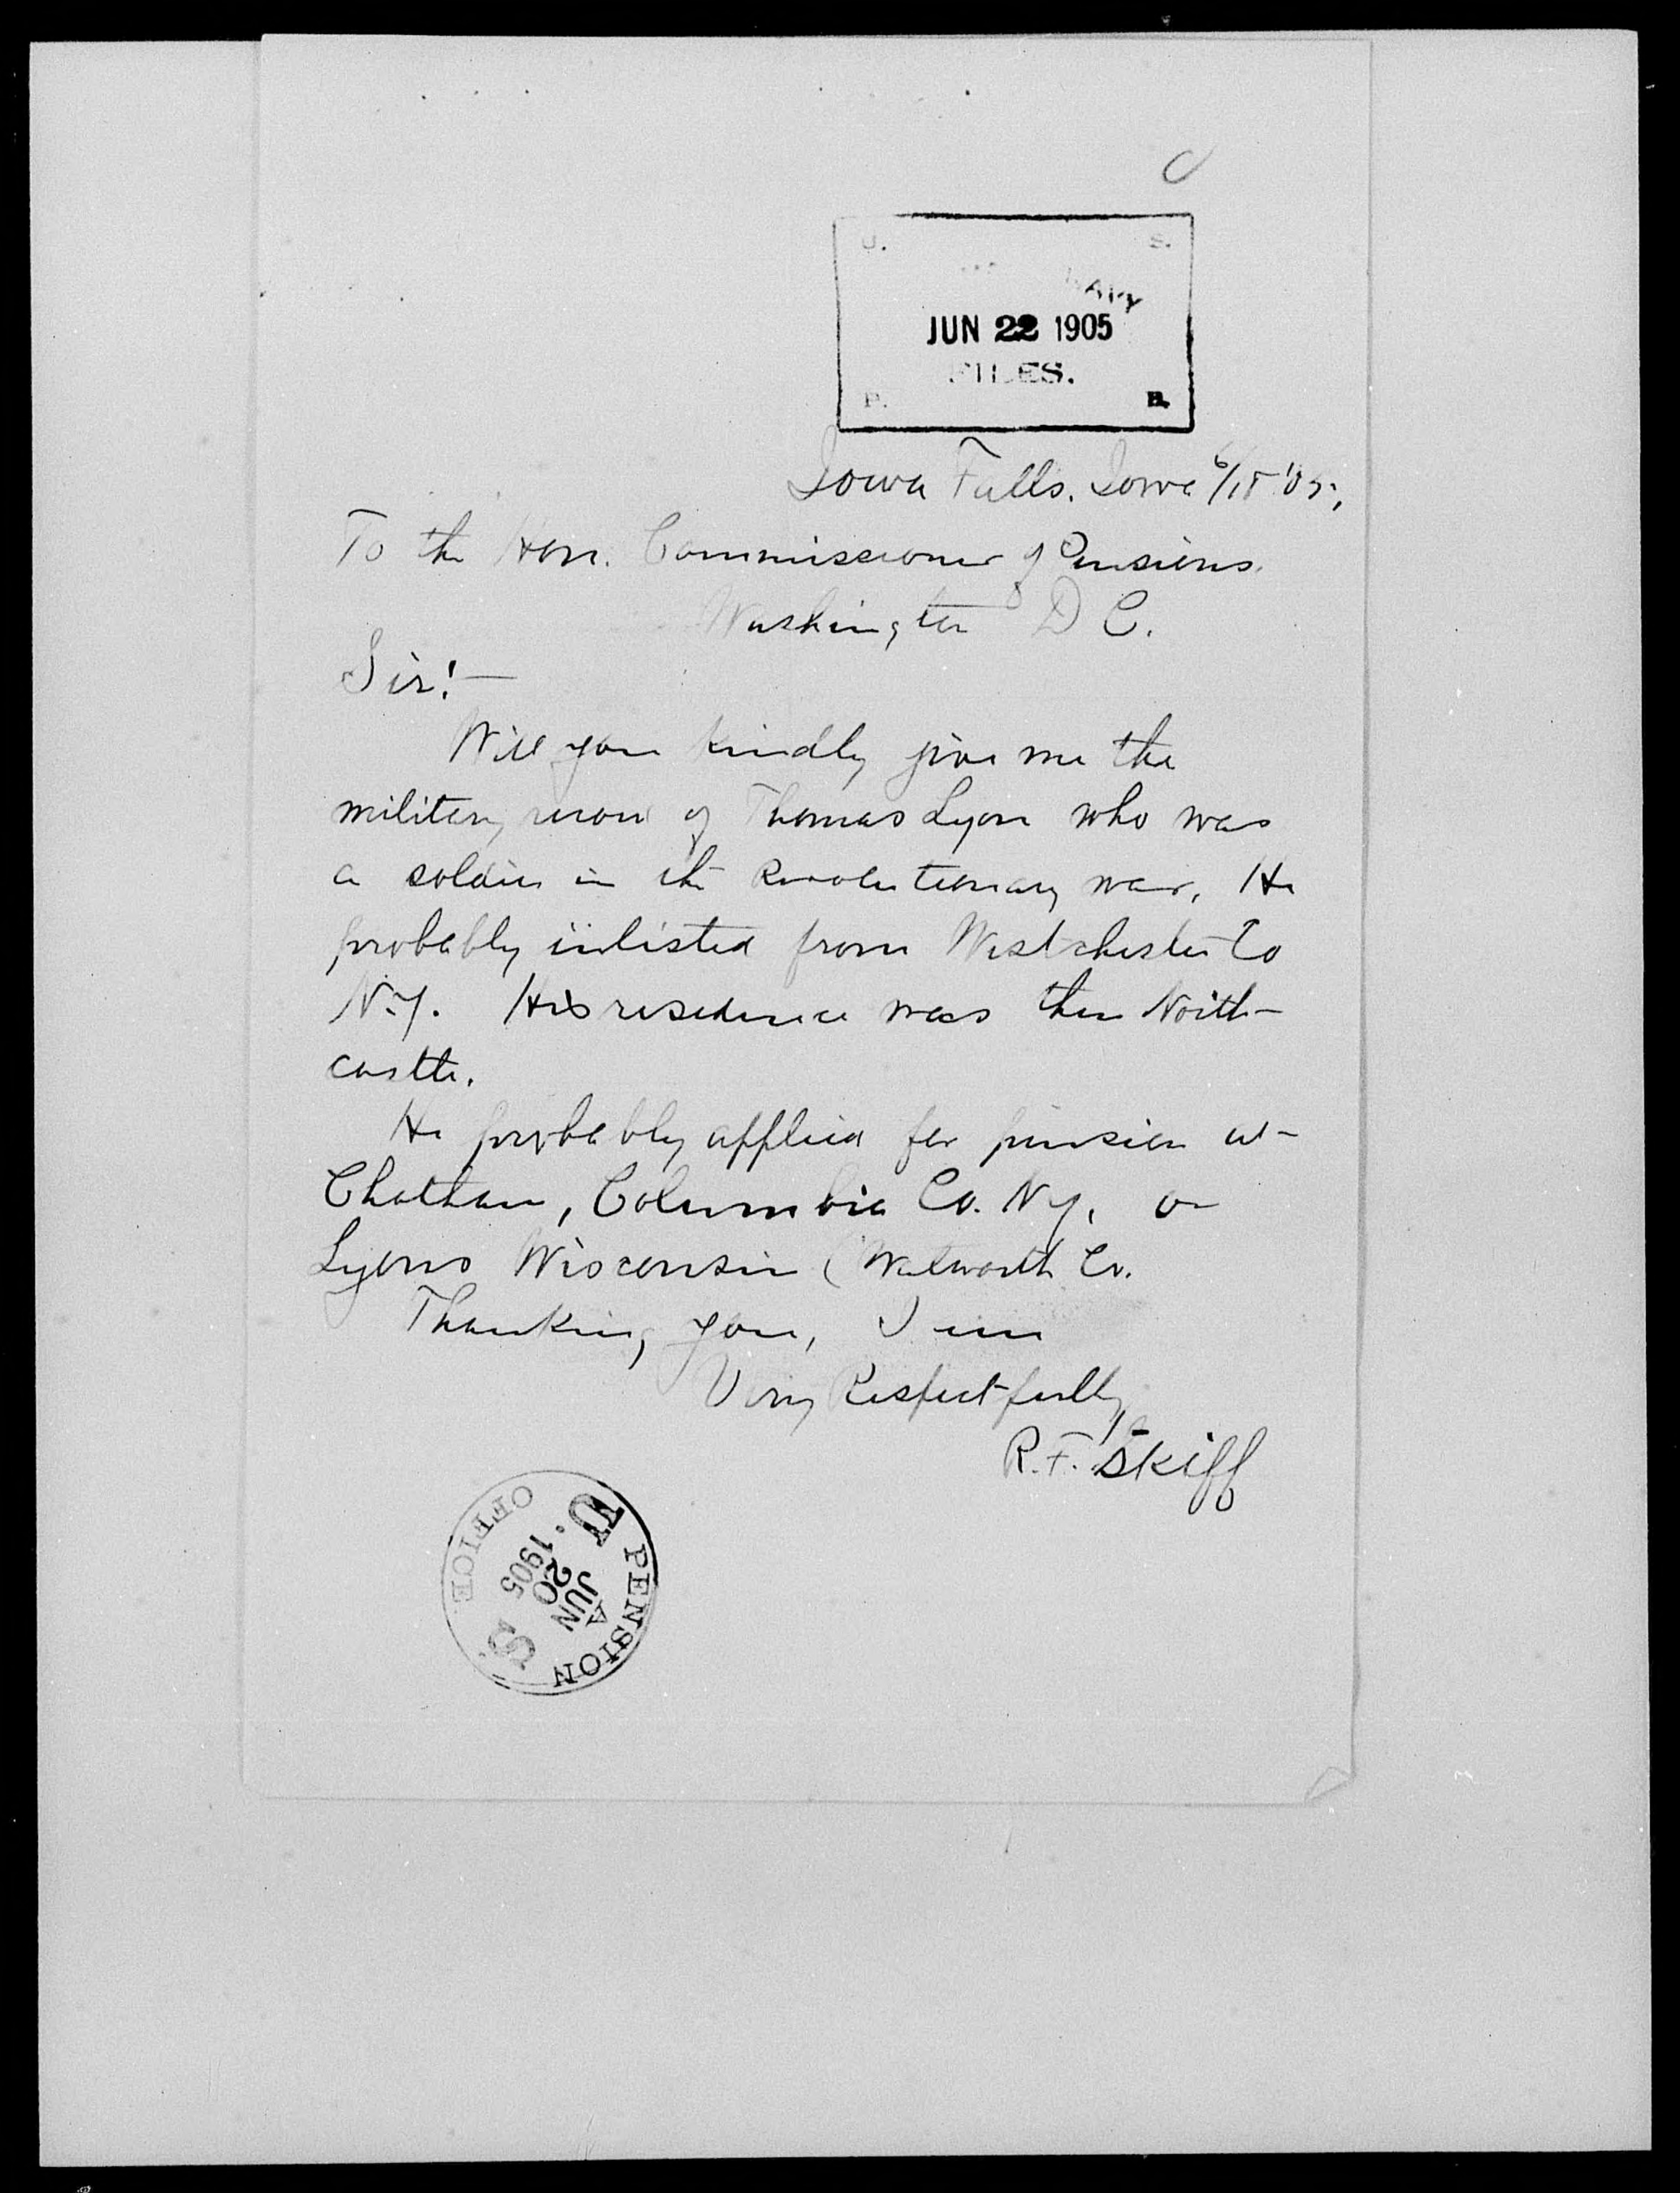[stamp] NAVY JUN 22 1905 FILES

Iowa Falls, Iowa 6/18 '05
To the Hon. Commissioner of Pensions
Washington DC

Sir:-
Will you kindly give me the
military [service?] of Thomas Lyon who was a
soldier in the Revolutionary War, He
probably enlisted from Westchester Co
N. Y. His residence was then North
Castle.
He probably applied for pension at
Chatham, Columbia Co. NY, or
Lyons Wisconsin (Watworth Co
Thanking you, I am 
Very Respectfully
R.F. Skiff

[stamp]U.S. PENSION OFFICE JUN 20 1905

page: 21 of 28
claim: survivor's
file: S. 21,872, for Thomas Lyon, New York